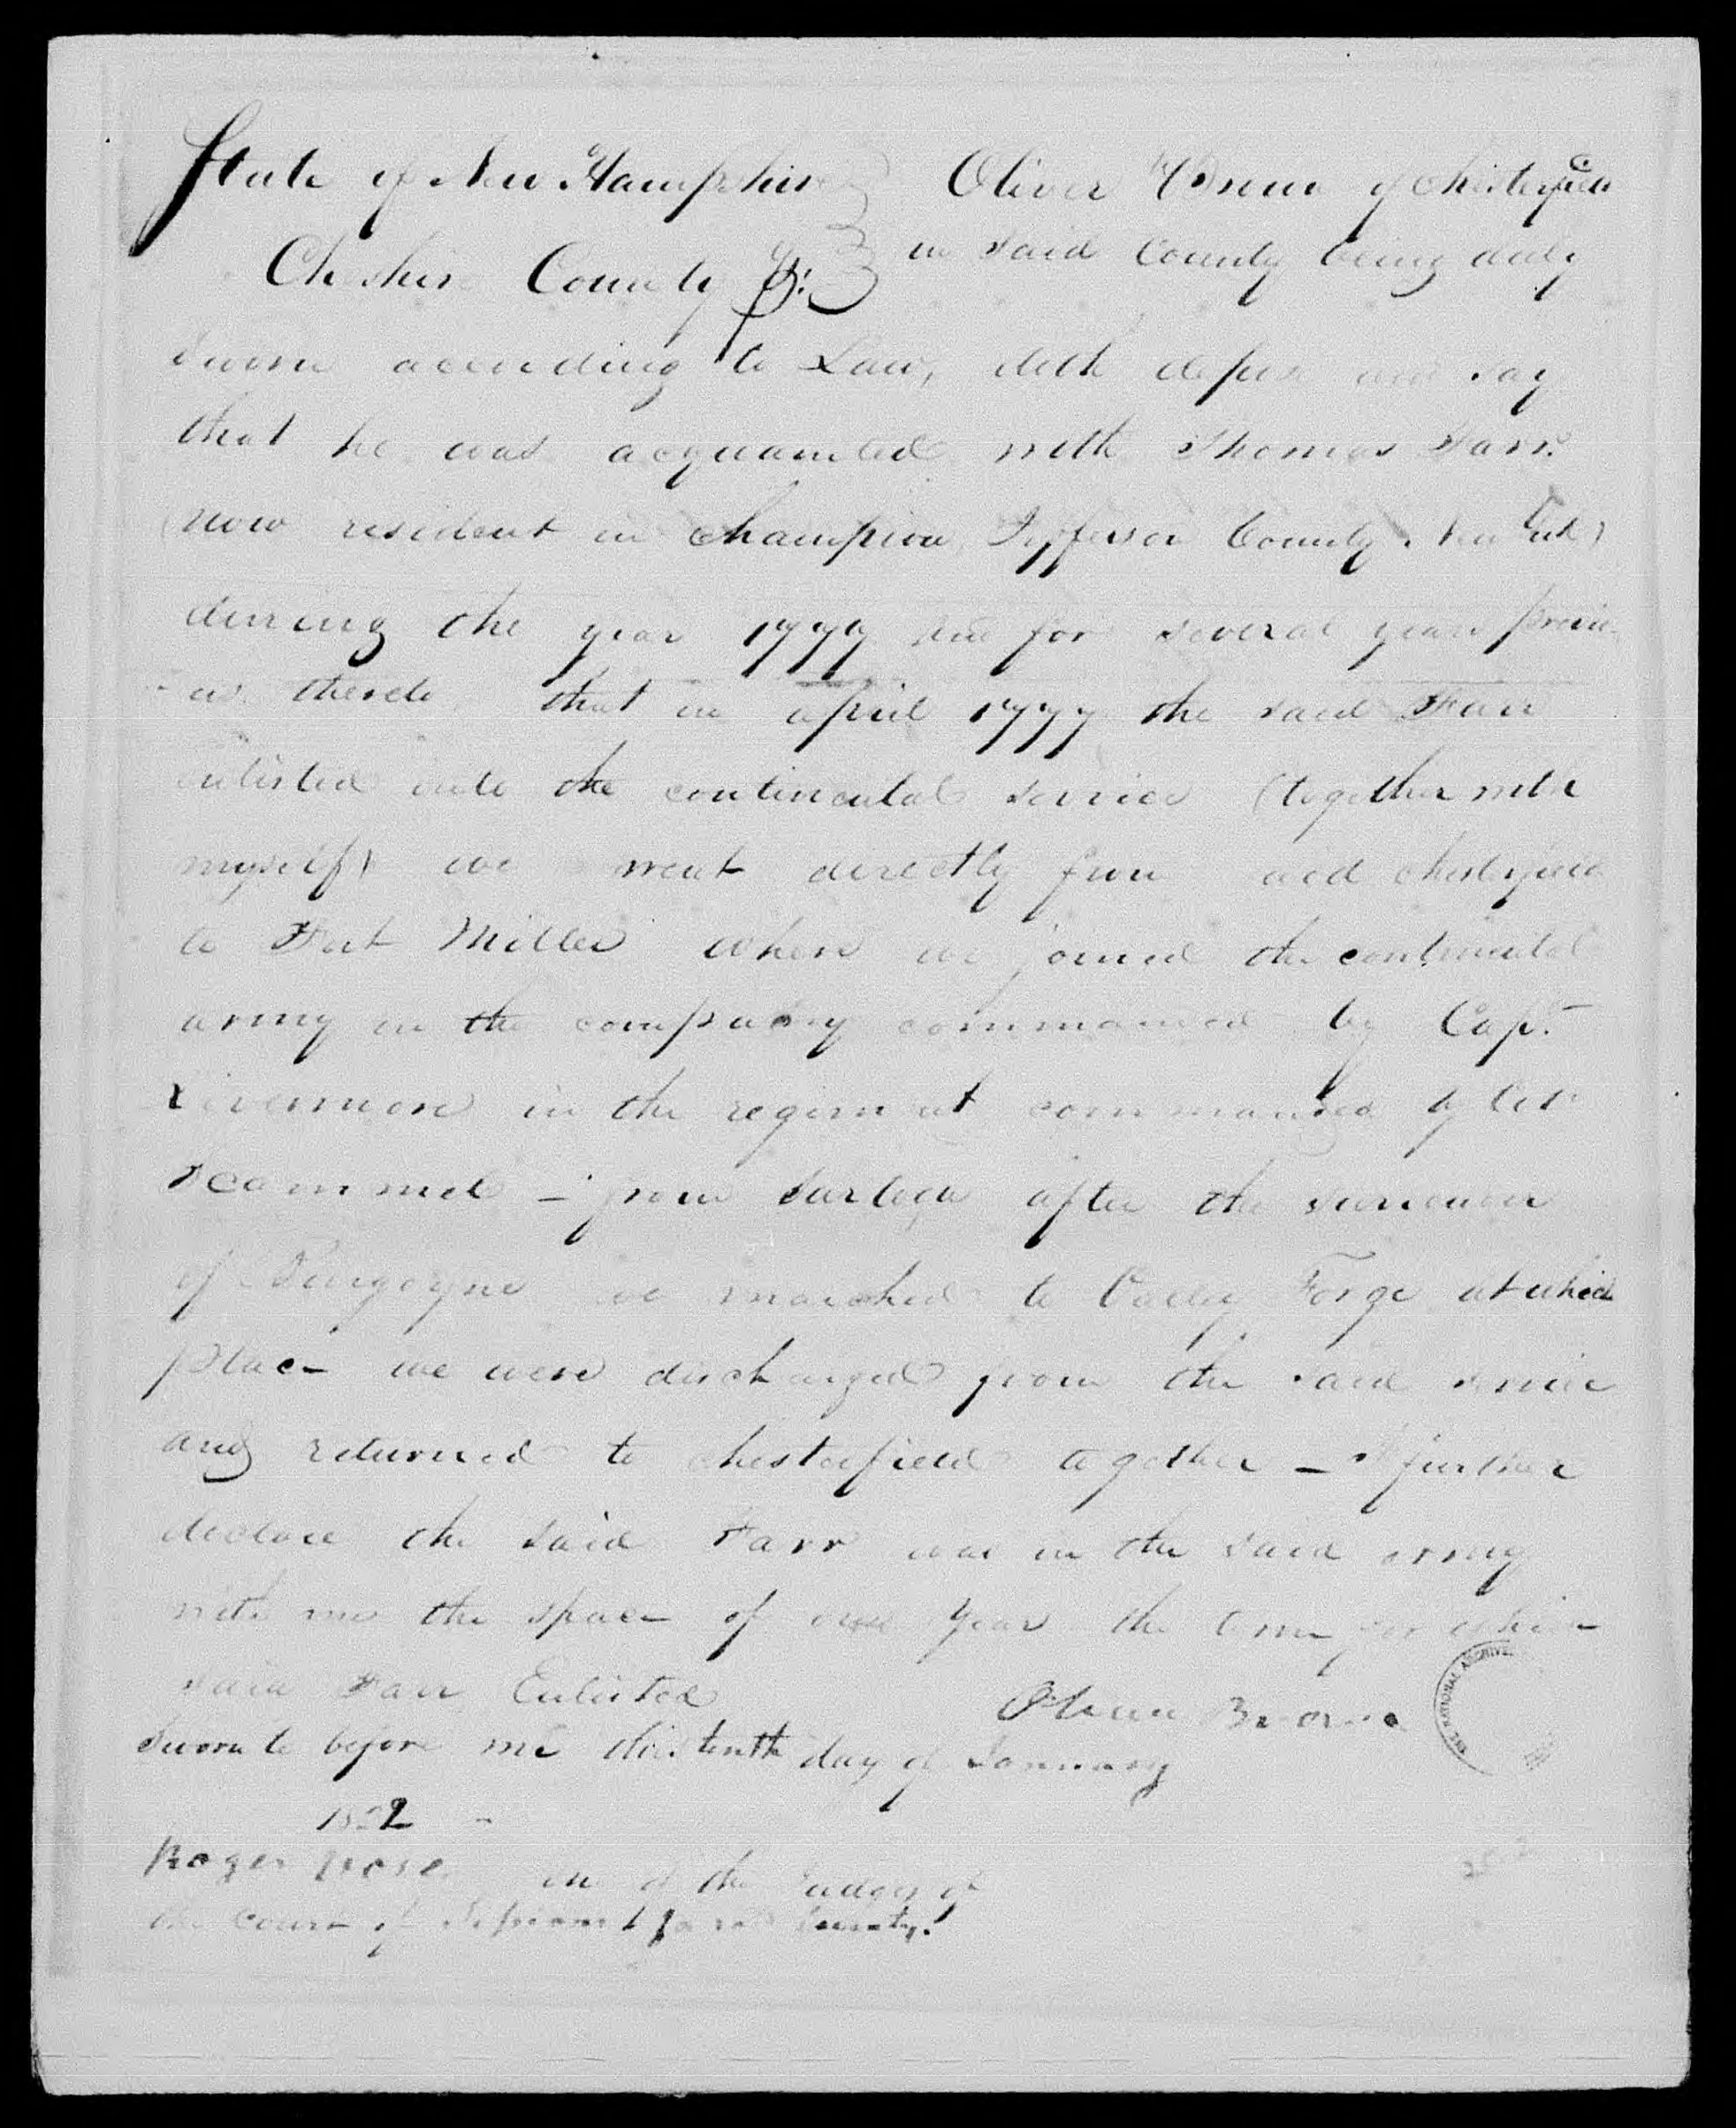State of New Hampshire}  Oliver Brown of Chesterfield
Chester County Ss.}  in said County being duly
sworn according to Law, doth depose and say
that he was acquainted with Thomas Farr
now resident in Champion Jefferson County, [illegible]
during the year 1777 and for several years prior
thereto that in April 1777 the said Farr
enlisted into the continental service together with
myself, we went directly from said Chesterfield to
Fort Miller where we joined the continental
army in the company commanded by Cap
Livermore in the regiment commanded by Col
Scammell for parted after the surrender of
Burgoyne we marched to Valley Forge at which
place we were discharged from the said service
and returned to Chesterfield together further
declare the said Farr was in the said army
with me the space of one year the [illegible] which
said Farr Enlisted Oliver Brown   [Stamp] THE NATIONAL ARCHIVES
Sworn to before me this tenth day of January 
1882
Roger Vose   in of the Judges of
the Court of Sessions in Cheshire County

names: Livermore, Thomas Farr, Oliver Brown, Farr, Oliver Brown, Roger Vose, Scammel, Oliver Brown, Farr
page: 20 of 46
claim: widow's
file: W. 23022, Thomas Farr, N.H.